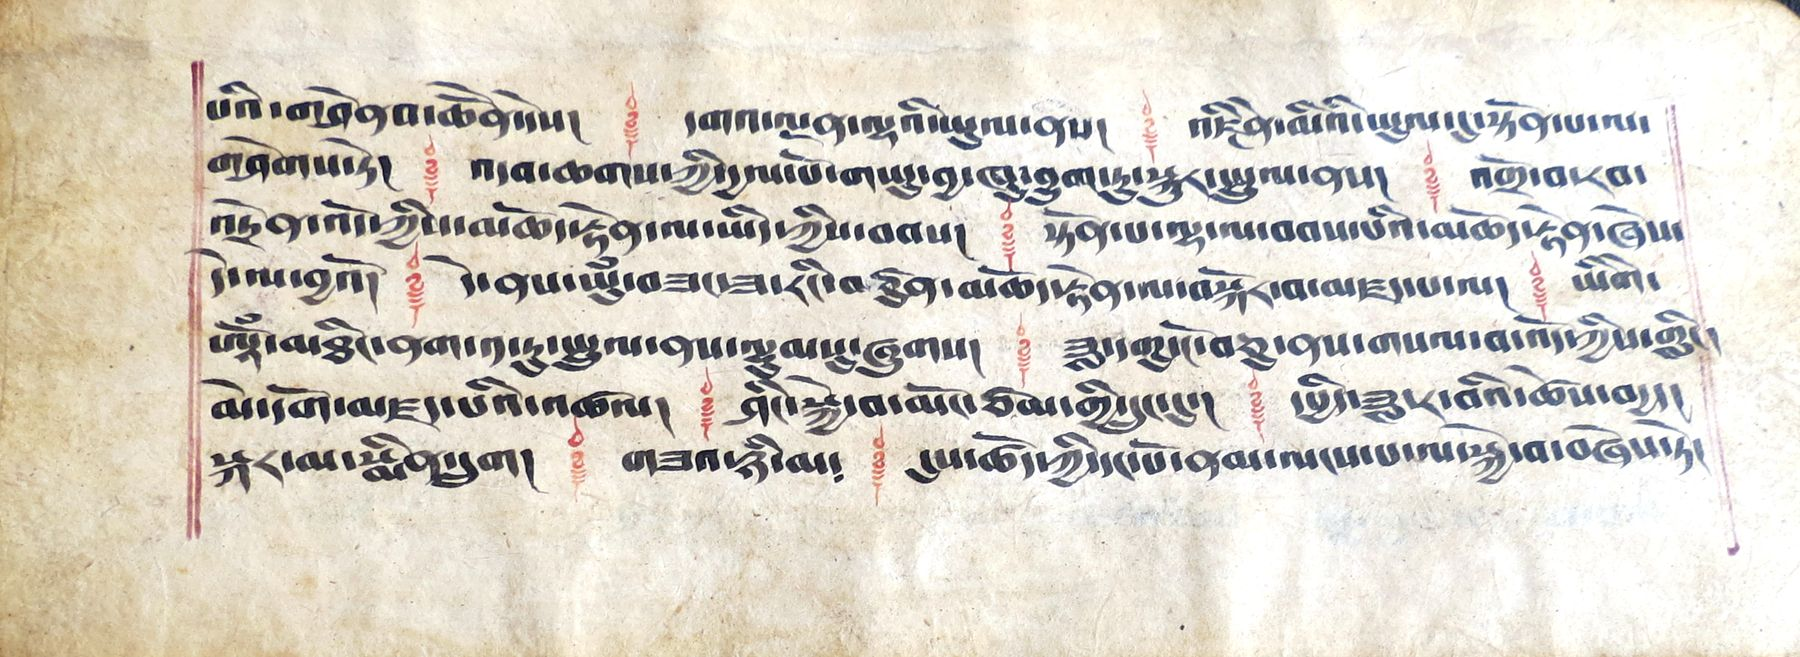པའི་གཤེན་རབ་ཆེན་པོ་དེས། དགའ་ལྡན་ལྷའི་ཡུལ་ནས། འཇིག་རྟེན་མིའི་ཡུལ་དུ་སྟོན་པ་ལ་
གཤེགས་ཏེ། འདབ་ཆགས་ཀྱི་རྒྱལ་པོ་གཡུ་བྱ་ཁུ་བྱུག་ཏུ་སྐུར་སྤྲུལ་ནས། འགྲོ་བ་རབ་
འདྲེན་འོད་ཀྱི་མཆོད་རྟེན་ལ་ཡིད་ཀྱིས་བབས། སྟོན་པ་ལྷ་ལས་བབས་པའི་མཆོད་རྟེན་ཞེས་
དེ་ལ་བྱའོ། ། དེ་ནས་ཡུམ་བཟང་བཟའ་རིང་བཙུན་མཆོད་རྟེན་ལ་བསྐོར་བ་མཛད་པ་ལ། ཡི་གེ་
ཨཱོྂ་མཐིང་ནག་གཅིག་ཏུ་སྤྲུལ་ནས་ལྷུམས་སུ་ཞུགས། ཟླ་དགུ་ངོ་བཅུ་ནས་གསལ་བ་འོད་ཀྱི་གླིང་། 
མེ་ཏོག་མཛེས་པའི་ཚལ། ཤིང་སྐྱེ་བ་མོང་ཙམ་གྱི་དྲུང་དུ། དཔྱིད་ཟླ་ར་བའི་ཚེས་བརྒྱད། 
སྐར་མ་སྨིན་དྲུག གཟའ་ཉི་མ། དུས་ཚོད་ཀྱི་དང་པོ་ནམ་ལངས་པ་ལ་སྐྱེ་བ་བཞེས་ཏེ།